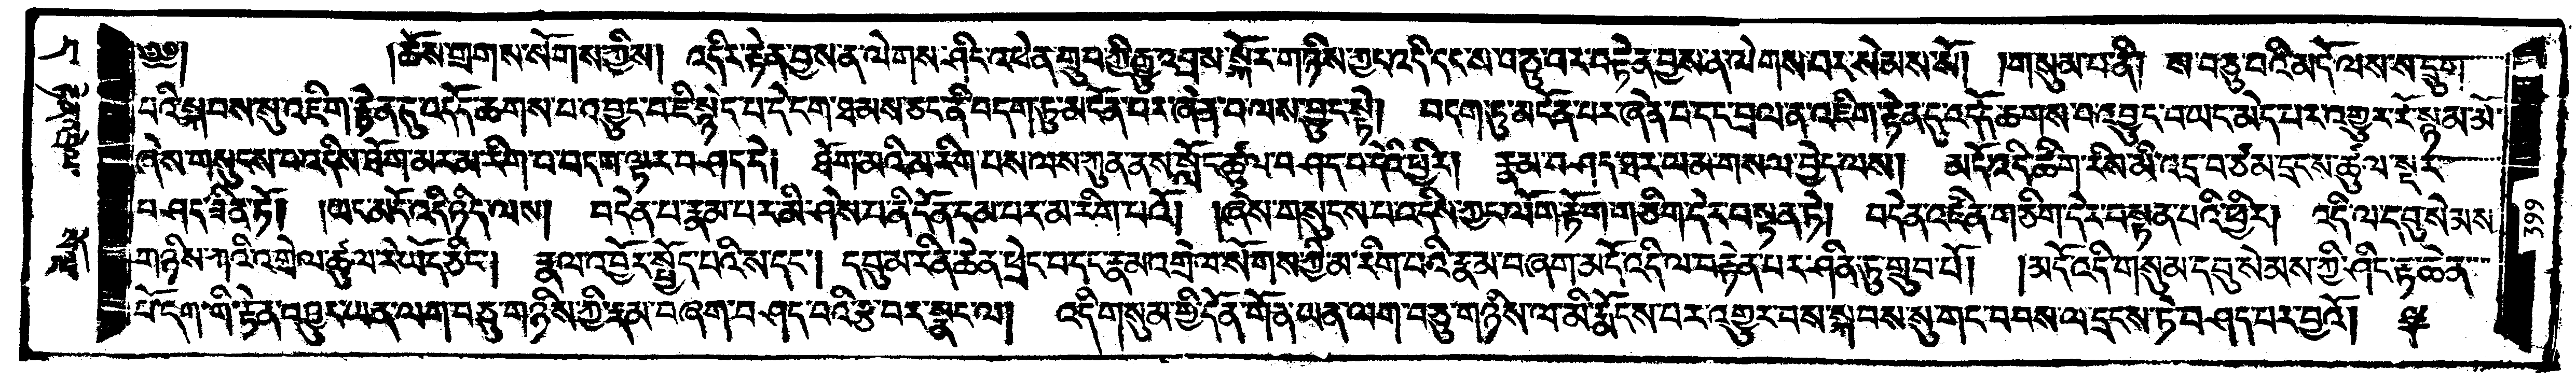༄༅། །ཆོས་གྲགས་སོགས་ཀྱིས། འདིར་རྟེན་བྱས་ན་ལེགས་ཤིང་འཕེན་གྲུབ་ཀྱི་རྒྱུ་འབྲས་སྐོར་གཉིས་ཀྱང་འདི་དང་ས་བཅུ་པར་བརྟེན་བྱས་ན་ལེགས་པར་སེམས་སོ། །གསུམ་པ་ནི། ས་བཅུ་པའི་མདོ་ལས་ས་དྲུག་
པའི་སྐབས་སུ་འཇིག་རྟེན་དུ་འདོད་ཆགས་པ་འབྱུང་བ་ཇི་སྙེད་པ་དེ་དག་ཐམས་ཅད་ནི་བདག་ཏུ་མངོན་པར་ཞེན་པ་ལས་བྱུང་སྟེ། བདག་ཏུ་མངོན་པར་ཞེན་པ་དང་བྲལ་ན་འཇིག་རྟེན་དུ་འདོད་ཆགས་པ་འབྱུང་བ་ཡང་མེད་པར་འགྱུར་རོ་སྙམ་མོ་
ཞེས་གསུངས་པ་འདིས་ཐོག་མར་མ་རིག་པ་བདག་ལྟར་བཤད་དེ། ཐོག་མའི་མ་རིག་པས་ལས་ཀུན་ནས་སློང་ཚུལ་བཤད་པ་དེའི་ཕྱིར། རྣམ་བཤད་ཐར་ལམ་གསལ་བྱེད་ལས། མདོ་འདི་ཚིག་རིས་མི་འདྲ་བ་ཙམ་དྲངས་ཚུལ་སྔར་
བཤད་ཟིན་ཏོ། །ཡང་མདོ་འདི་ཉིད་ལས། བདེན་པ་རྣམ་པར་མི་ཤེས་པ་ནི་དོན་དམ་པར་མ་རིག་པའོ། །ཞེས་གསུངས་པ་འདིས་ཀྱང་ལོག་རྟོག་གཅིག་དེར་བསྟན་ཏེ། བདེན་འཛིན་གཅིག་དེར་བསྟན་པའི་ཕྱིར། འདི་ལ་དབུ་སེམས་
གཉིས་ཀའི་འགྲེལ་ཚུལ་རེ་ཡོད་ཅིང་། རྣལ་འབྱོར་སྤྱོད་པའི་ས་དང་། དབུ་མ་རིན་ཆེན་ཕྲེང་བ་དང་རྣམ་འགྲེལ་སོགས་ཀྱི་མ་རིག་པའི་རྣམ་བཞག་མདོ་འདི་ལ་བརྟེན་པར་ཤིན་ཏུ་གྲུབ་པོ། །མདོ་འདི་གསུམ་དབུ་སེམས་ཀྱི་ཤིང་རྟ་ཆེན་
པོ་དག་གི་རྟེན་འབྱུང་ཡན་ལག་བཅུ་གཉིས་ཀྱི་རྣམ་བཞག་བཤད་པའི་རྩ་བར་སྣང་ལ། འདི་གསུམ་གྱི་དོན་གོན་ཡན་ལག་བཅུ་གཉིས་ལ་མི་རྨོངས་པར་འགྱུར་བས་སྐབས་སུ་གང་བབས་ལ་དྲངས་ཏེ་བཤད་པར་བྱའོ། ༈